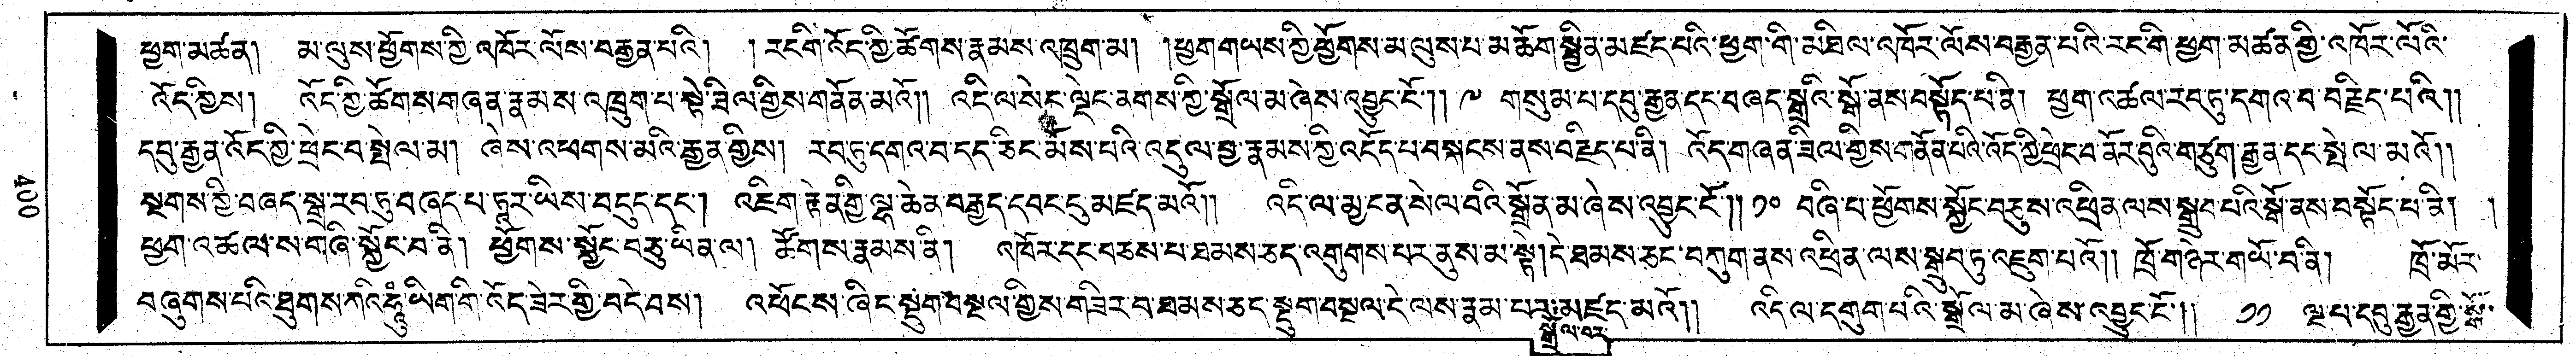ཕྱག་མཚན། མ་ལུས་ཕྱོགས་ཀྱི་འཁོར་ལོས་བརྒྱན་པའི། །རང་གི་འོད་ཀྱི་ཚོགས་རྣམས་འཁྲུག་མ། །ཕྱག་གཡས་ཀྱི་ཕྱོགས་མ་ལུས་པ་མཆོག་སྦྱིན་མཛད་པའི་ཕྱག་གི་མཐིལ་འཁོར་ལོས་བརྒྱན་པའི་རང་གི་ཕྱག་མཚན་གྱི་འཁོར་ལོའི་
འོད་ཀྱིས། འོད་ཀྱི་ཚོགས་གཞན་རྣམས་འཁྲུག་པ་སྟེ་ཟིལ་གྱིས་གནོན་མའོ།། འདི་ལ་སེང་ལྡེང་ནགས་ཀྱི་སྒྲོལ་མ་ཞེས་འབྱུང་ངོ།། ༧་གསུམ་པ་དབུ་རྒྱན་དང་བཞད་སྒྲའི་སྒོ་ནས་བསྟོད་པ་ནི། ཕྱག་འཚལ་རབ་ཏུ་དགའ་བ་བརྗིད་པའི།།
དབུ་རྒྱན་འོད་ཀྱི་ཕྲེང་བ་སྤེལ་མ། ཞེས་འཕགས་མའི་རྒྱན་གྱིས། རབ་ཏུ་དགའ་བ་དད་ཅིང་མོས་པའི་འདུལ་བྱ་རྣམས་ཀྱི་འདོད་པ་བསྐངས་ནས་བརྗིད་པ་ནི། འོད་གཞན་ཟིལ་གྱིས་གནོན་པའི་འོད་ཀྱི་ཕྲེང་བ་ནོར་བུའི་གཙུག་རྒྱན་དང་སྤེལ་མའོ།།
སྔགས་ཀྱི་བཞད་སྒྲ་རབ་ཏུ་བཞད་པ་ཏཱར་ཡིས་བདུད་དང་། འཇིག་རྟེན་གྱི་ལྷ་ཆེན་བརྒྱད་དབང་དུ་མཛད་མའོ།། འདི་ལ་མྱ་ངན་སེལ་བའི་སྒྲོན་མ་ཞེས་འབྱུང་ངོ།། ༡༠་བཞི་པ་ཕྱོགས་སྐྱོང་བཅུས་འཕྲིན་ལས་སྒྲུབ་པའི་སྒོ་ནས་བསྟོད་པ་ནི། །
ཕྱག་འཚལ་ས་གཞི་སྐྱོང་བ་ནི། ཕྱོགས་སྐྱོང་བཅུ་ཡིན་ལ། ཚོགས་རྣམས་ནི། འཁོར་དང་བཅས་པ་ཐམས་ཅད་འགུགས་པར་ནུས་མ་སྟེ། དེ་ཐམས་ཅད་བཀུག་ནས་འཕྲིན་ལས་སྒྲུབ་ཏུ་འཇུག་པའོ།། ཁྲོ་གཉེར་གཡོ་བ་ནི། ཁྲོ་མོར་
བཞུགས་པའི་ཐུགས་ཀའི་ཧཱུཾ་ཡིག་གི་འོད་ཟེར་གྱི་བདེ་བས། འཕོངས་ཞིང་སྡུག་བསྔལ་གྱིས་གཟིར་བ་ཐམས་ཅད་སྡུག་བསྔལ་དེ་ལས་རྣམ་པར་སྒྲོལ་བར་མཛད་མའོ།། འདི་ལ་དགུག་པའི་སྒྲོལ་མ་ཞེས་འབྱུང་ངོ།། ༡༡་ལྔ་པ་དབུ་རྒྱན་གྱི་སྒོ།